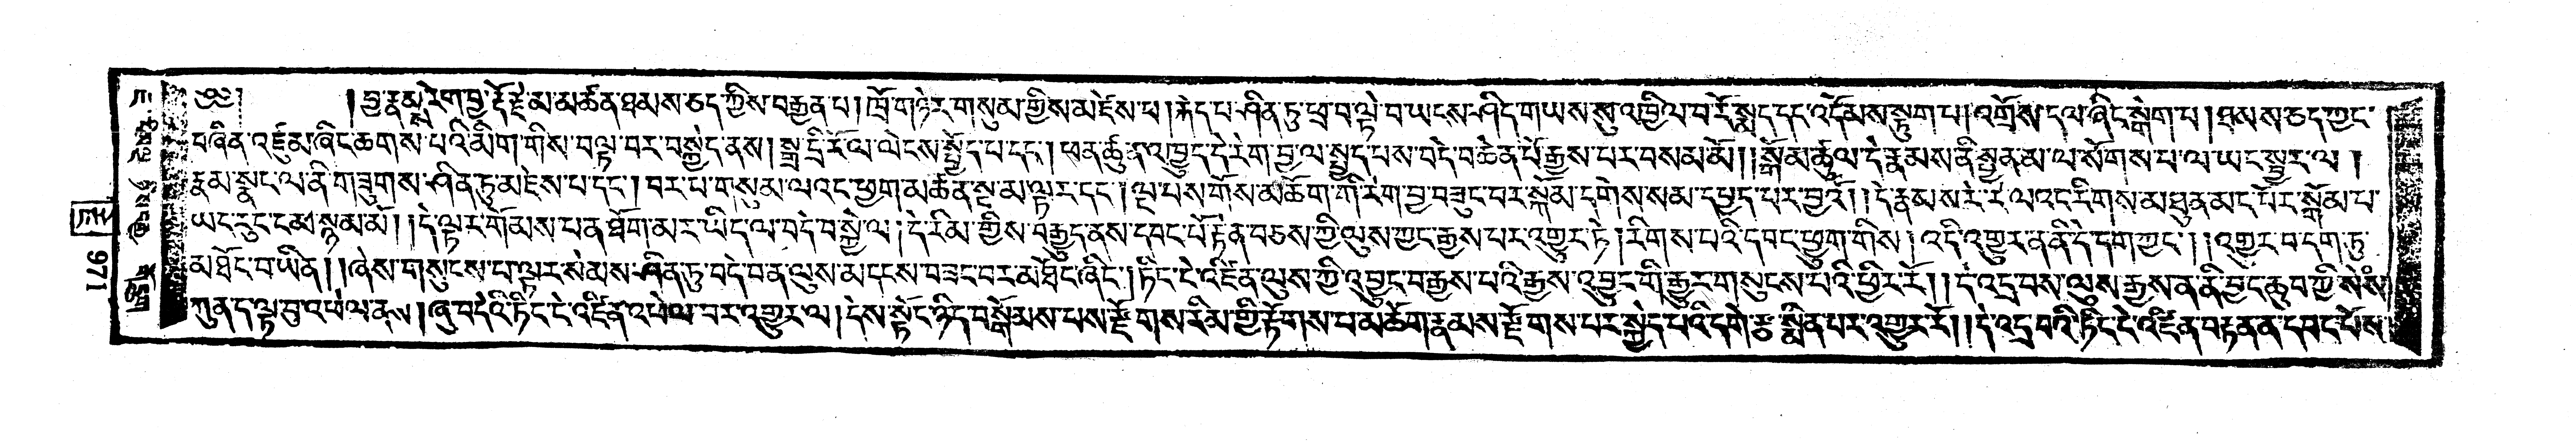༄༅། །བྱ་རྣམས་རེག་བྱ་རྡོ་རྗེ་མ་མཚན་ཐམས་ཅད་ཀྱིས་བརྒྱན་པ། ཁྲོ་གཉེར་གསུམ་གྱིས་མཛེས་པ། རྐེད་པ་ཤིན་ཏུ་ཕྲ་བ་ལྟེ་བ་ཡངས་ཤིང་གཡས་སུ་འཁྱིལ་བ་རེ་སྨད་དང་འདོམས་སྟུག་པ། འགྲོས་དལ་ཞིང་སྒེག་པ། ཐམས་ཅད་ཀྱང་
བཞིན་འཛུམ་ཞིང་ཆགས་པའི་མིག་གིས་བལྟ་བར་བསྐྱེད་ནས། སྒྲ་དྲི་རོ་ལ་ལོངས་སྤྱོད་པ་དང་། ཕན་ཚུན་འཁྱུད་དེ་རེག་བྱ་ལ་སྤྱད་པས་བདེ་བ་ཆེན་པོ་རྒྱས་པར་བསམ་མོ། །སྒོམ་ཚུལ་དེ་རྣམས་ནི་སྤྱན་མ་ལ་སོགས་པ་ལ་ཡང་སྦྱར་ལ།
རྣམ་སྣང་ལ་ནི་གཟུགས་ཤིན་ཏུ་མཛེས་པ་དང་། བར་པ་གསུམ་ལའང་ཕྱག་མཚན་སྔ་མ་ལྟར་དང་། ལྔ་པས་གོས་མཆོག་གི་རེག་བྱ་བཟུང་བར་སྒོམ་དགོས་སམ་དཔྱད་པར་བྱའོ། །དེ་རྣམས་རེ་རེ་ལའང་རིགས་མཐུན་མང་པོར་སྒོམ་པ་
ཡང་རུང་ངམ་སྙམ་མོ། །དེ་ལྟར་གོམས་པ་ན་ཐོག་མར་ཡིད་ལ་བདེ་བ་སྐྱེ་ལ། དེ་རིམ་གྱིས་བརྒྱུད་ནས་དབང་པོ་རྟེན་བཅས་ཀྱི་ལུས་ཀྱང་རྒྱས་པར་འགྱུར་ཏེ། རིགས་པའི་དབང་ཕྱུག་གིས། འདི་འགྱུར་ན་ནི་དེ་དག་ཀྱང་། །འགྱུར་བ་དག་ཏུ་
མཐོང་བ་ཡིན། །ཞེས་གསུངས་པ་ལྟར་སེམས་ཤིན་ཏུ་བདེ་བ་ན་ལུས་མདངས་བཟང་བར་མཐོང་ཞིང་། ཏིང་ངེ་འཛིན་ལུས་ཀྱི་འབྱུང་བ་རྒྱས་པའི་རྒྱས་འབྱུང་གི་རྒྱུར་གསུངས་པའི་ཕྱིར་རོ། །དེ་འདྲ་བས་ལུས་རྒྱས་ན་ནི་བྱང་ཆུབ་ཀྱི་སེམས་
ཀུན་ད་ལྟ་བུ་འཕེལ་ནས། ཞུ་བདེའི་ཏིང་ངེ་འཛིན་འཕེལ་བར་འགྱུར་ལ། དེས་སྟོང་ཉིད་བསྒོམས་པས་རྫོགས་རིམ་གྱི་རྟོགས་པ་མཆོག་རྣམས་རྫོགས་པར་སྐྱེད་པའི་དགེ་རྩ་སྨིན་པར་འགྱུར་རོ། །དེ་འདྲ་བའི་ཏིང་ངེ་འཛིན་བརྟན་ན་དབང་པོས་